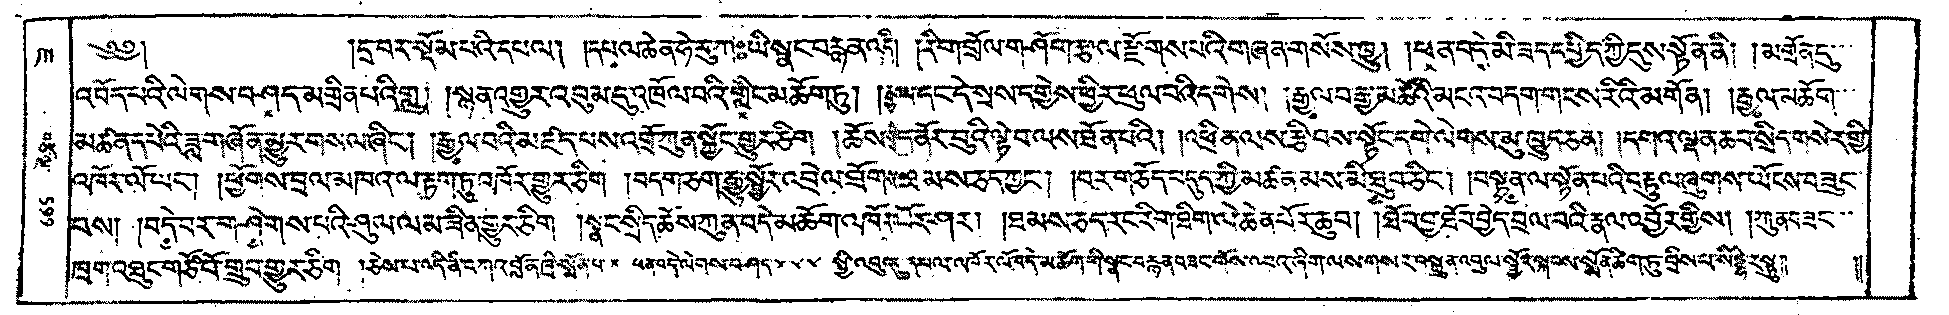༄༅། །དྲ་བར་སྡོམ་྾་པའི་྾་དཔལ྾། །དཔལ྾་ཆེན་ཧེ་རུ་ཀཿ ཡི་སྣང་བརྙན་འདི། །རིག་གྲོལ་གཤོག་རྩལ་རྫོགས་པའི་གཞན་གསོས་ཁྱུ། །ཕན྾་བདེ྾་མི་ཟད་དཔྱིད་ཀྱི་དུས་སྟོན་ནི། །མགྲོན་དུ་
འབོད་པའི་ལེགས་྾་བཤད་྾་མགྲིན་པའི་གླུ། །སྙན་འགྱུར་འབུམ་དུ་འཁྲོལ་བའི་གླིང་྾་མཆོག་ཏུ། །རྒྱལ྾་དང་དེ་སྲས་དགྱེས་ཕྱིར་ཕུལ་བའི་དགེས། །རྒྱལ྾་བ་རྒྱ་མཚོའི་མངའ་བདག་གངས་རིའི་མགོན། །རྒྱལ྾་མཆོག་
མཚན་དཔེའི་ཟླ་གཞོན་མྱུར་གསལ་ཞིང་། །རྒྱལ྾་བའི་མཛད་པས་འགྲོ་ཀུན་སྐྱོང་གྱུར་ཅིག །ཆོས་སྲིད་ནོར་བུའི་ལྟེ་བ་ལས་ཐོན་པའི། །འཕྲིན་ལས་རྩིབས་སྟོང་དགེ་ལེགས་མུ་ཁྱུད་ཅན། །དགའ་ལྡན་ཆབ་སྲིད་གསེར་གྱི་
འཁོར་ལོ་ཡང་། །ཕྱོགས་བྲལ་མཁའ་ལ་རྟག་ཏུ་འཁོར་གྱུར་ཅིག །བདག་ཅག་རྒྱུ་སྦྱོར་འབྲེལ་ཐོགས་ཐམས་ཅད་ཀྱང་། །བར་གཅོད་བདུད་ཀྱི་མཚན་མས་མི་ཐུབ྾་ཅིང་། །བསྟན྾་ལ་སྟོན་པའི་བརྟུལ་ཞུགས་ཡོངས་བཟུང་
བས། །བདེ྾་བར་གཤེགས྾་པའི་ཤུལ་ལམ་ཟིན་གྱུར་ཅིག །སྣང་སྲིད་ཆོས་ཀུན་བདེ་མཆོག་འཁོར་ལོར་ཤར། །ཐམས་ཅད་རང་རིག་ཐིག་ལེ་ཆེན་པོར་ཆུབ། །ཐོབ་བྱ་ཐོབ་བྱེད་བྲལ་བའི་རྣལ་འབྱོར་གྱིས། །ཀུན་བཟང་
ཁྲག་འཐུང་གཙོ་བོ་གྲུབ་གྱུར་ཅིག ། ཅེས་པ་འདི་ནི་བཀའ་བློན་ཁྲི་སྨོན་པ་྾་ཕན་བདེ་ལེགས་བཤད་྾་྾་྾་སྤྱི་འབུལ་དུ་དཔལ་འཁོར་ལོ་བདེ་མཆོག་གི་སྣང་བརྙན་བཟང་གོས་འབའ་ཞིག་ལས་གསར་བསྐྲུན་འབུལ་སྦྱོར་སྐབས་སྨོན་ཚིག་ཏུ་བྲིས་པ་སིདྡྷི་ར་སྟུ།།  །།